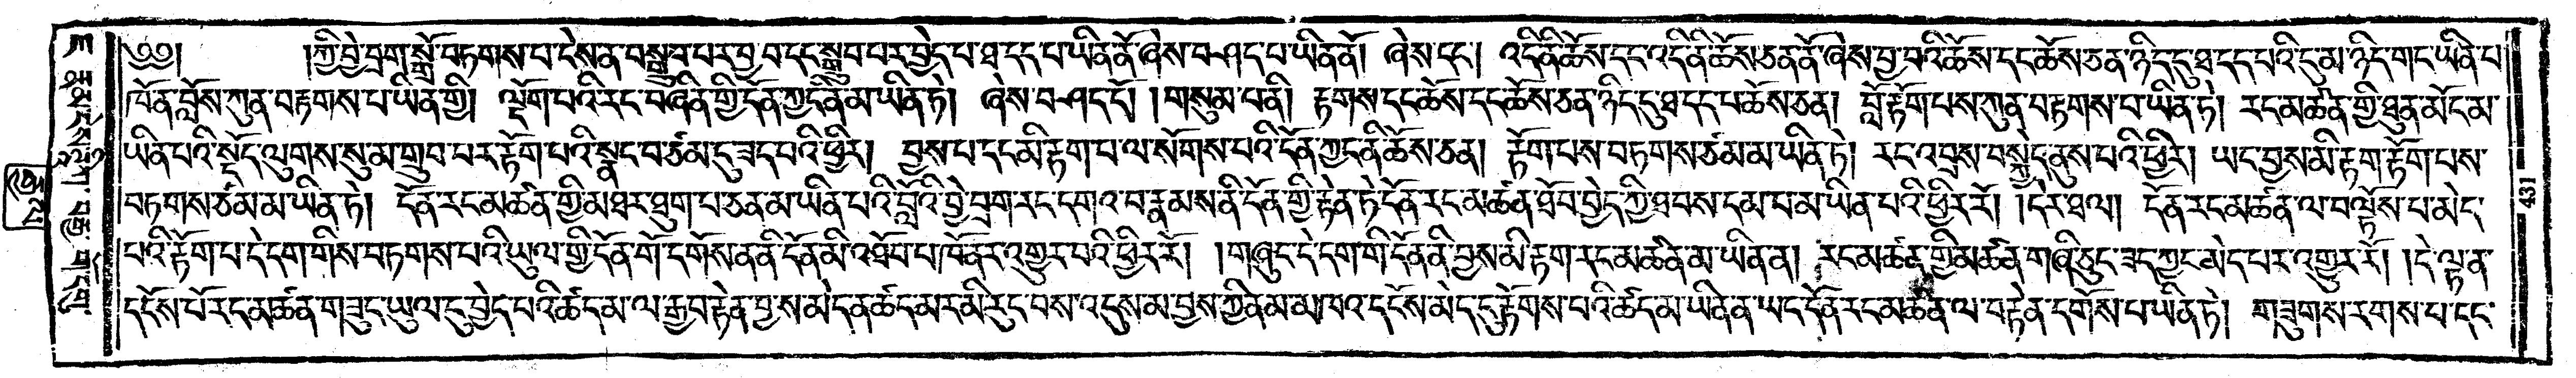༄༅། །ཀྱི་བྱེ་བྲག་སྒྲོ་བཏགས་པ་ངེས་ན་བསྒྲུབ་པར་བྱ་བ་དང་སྒྲུབ་པར་བྱེད་པ་ཐ་དད་པ་ཡིན་ནོ་ཞེས་བཤད་པ་ཡིན་ནོ། ཞེས་དང་། འདི་ནི་ཆོས་དང་འདི་ནི་ཆོས་ཅན་ནོ་ཞེས་བྱ་བའི་ཆོས་དང་ཆོས་ཅན་ཉིད་དུ་ཐ་དད་པའི་དུ་མ་ཉིད་གང་ཡིན་པ་
ཁོ་ན་བློས་ཀུན་བརྟགས་པ་ཡིན་གྱི། ལྡོག་པའི་རང་བཞིན་གྱི་དོན་ཀྱང་ནི་མ་ཡིན་ཏེ། ཞེས་བཤད་དོ། །གསུམ་པ་ནི། རྟགས་དང་ཆོས་དང་ཆོས་ཅན་ཉིད་དུ་ཐ་དད་པ་ཆོས་ཅན། བློ་རྟོག་པས་ཀུན་བརྟགས་པ་ཡིན་ཏེ། རང་མཚན་གྱི་ཐུན་མོང་མ་
ཡིན་པའི་སྡོད་ལུགས་སུ་མ་གྲུབ་པར་རྟོག་པའི་སྣང་བ་ཙམ་དུ་ཟད་པའི་ཕྱིར། བྱས་པ་དང་མི་རྟག་པ་ལ་སོགས་པའི་དོན་ཀྱང་ནི་ཆོས་ཅན། རྟོག་པས་བཏགས་ཙམ་མ་ཡིན་ཏེ། རང་འབྲས་བསྐྱེད་ནུས་པའི་ཕྱིར། ཡང་བྱས་མི་རྟག་རྟོག་པས་
བཏགས་ཙམ་མ་ཡིན་ཏེ། དོན་རང་མཚན་གྱི་མཐར་ཐུག་པ་ཅན་མ་ཡིན་པའི་བློའི་བྱེ་བྲག་རང་དགའ་བ་རྣམས་ནི་དོན་གྱི་རྟེན་ཏེ་དོན་རང་མཚན་ཐོབ་བྱེད་ཀྱི་ཐབས་དམ་པ་མ་ཡིན་པའི་ཕྱིར་རོ། །དེར་ཐལ། དོན་རང་མཚན་ལ་བལྟོས་པ་མེད་
པའི་རྟོག་པ་དེ་དག་གིས་བཏགས་པའི་ཡུལ་གྱི་དོན་གོ་དགོས་ན་ནི་དོན་མི་འཐོབ་པ་ཁོ་ནར་འགྱུར་པའི་ཕྱིར་རོ། །གཞུང་དེ་དག་གི་དོན་ནི་བྱས་མི་རྟག་རང་མཚན་མ་ཡིན་ན། རང་མཚན་གྱི་མཚན་གཞི་ཅུང་ཟད་ཀྱང་མེད་པར་འགྱུར་རོ། །དེ་ལྟ་ན་
དངོས་པོ་རང་མཚན་གཟུང་ཡུལ་དུ་བྱེད་པའི་ཚད་མ་ལ་རྒྱབ་རྟེན་བྱ་ས་མེད་ན་ཚད་མར་མི་རུང་བས་འདུས་མ་བྱས་ཀྱི་ནམ་མཁའ་དངོས་མེད་དུ་རྟོགས་པའི་ཚད་མ་ཡིན་ན་ཡང་དོན་རང་མཚན་ལ་བརྟེན་དགོས་པ་ཡིན་ཏེ། གཟུགས་རགས་པ་དང་